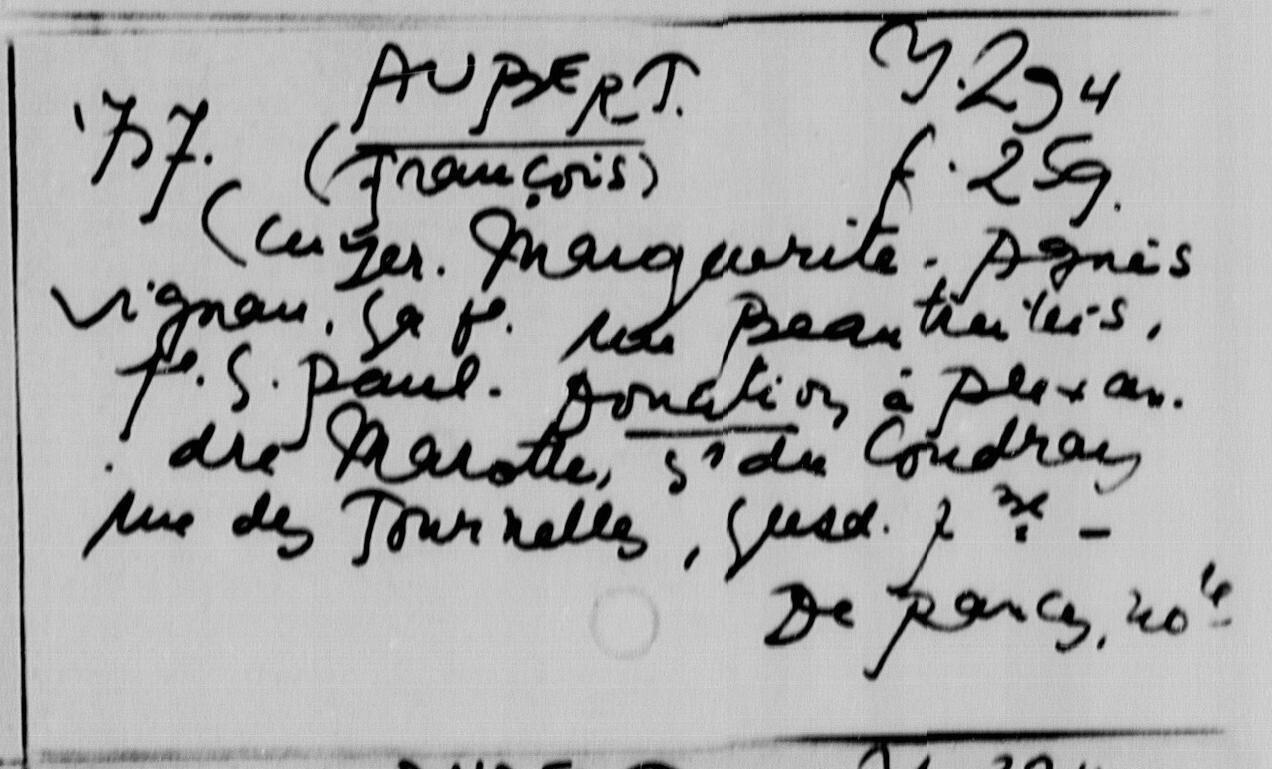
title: AUBERT (François)
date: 1707
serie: Y
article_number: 294
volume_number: fol. 259
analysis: Ecuyer. Marguerite-Agnès Vignau, sa femme, rue Beautreilis, paroisse Saint-Paul. Donation à Alexandre Marotte, seigneur du Coudray, rue des Tournelles, susdite paroisse. De Rancy, notaire.
